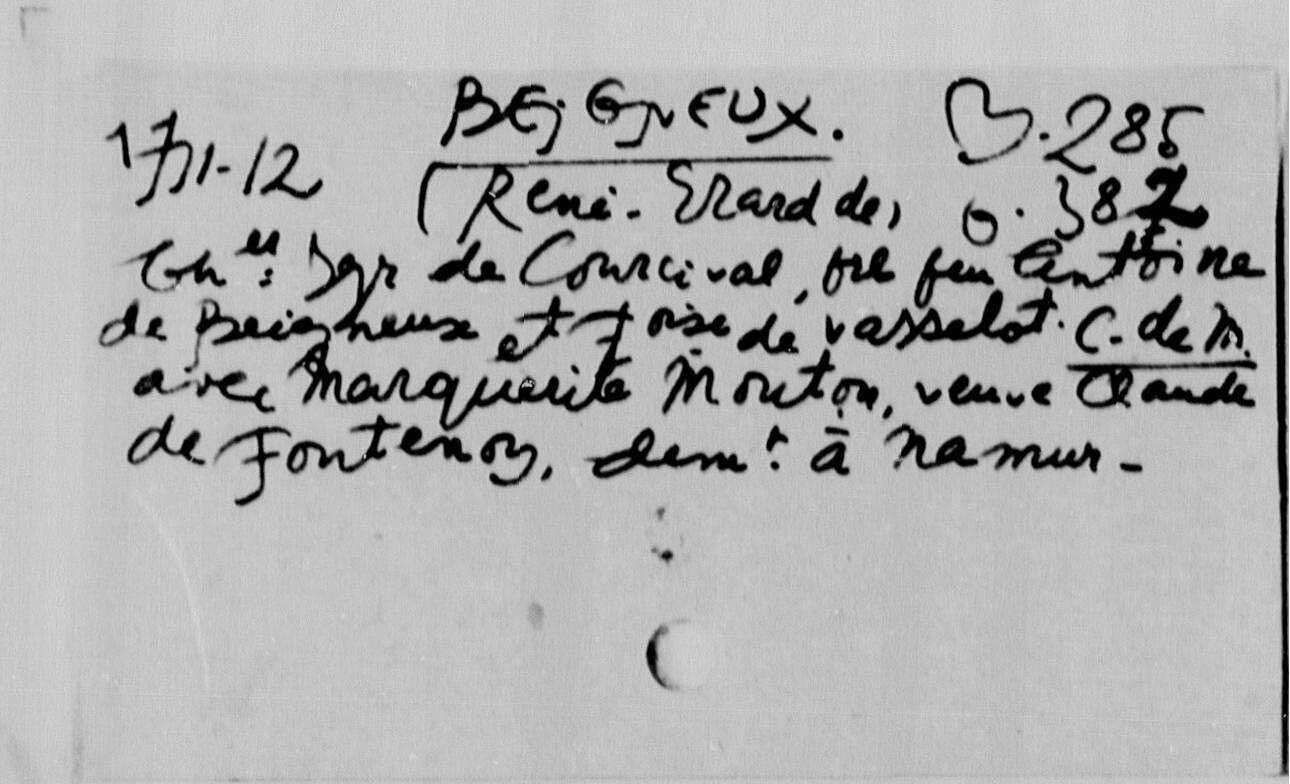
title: BEIGNEUX (René-Frard de)
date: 1711-1712
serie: Y
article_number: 285
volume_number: fol. 382
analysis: Chevalier seigneur de Courcival, fil feu Antoine de Beigneux et Françoise de Vasselot. Contrat de mariage avec Marguerite Mouton, veuve Claude de Fontenoy, demeurant à Namur.
